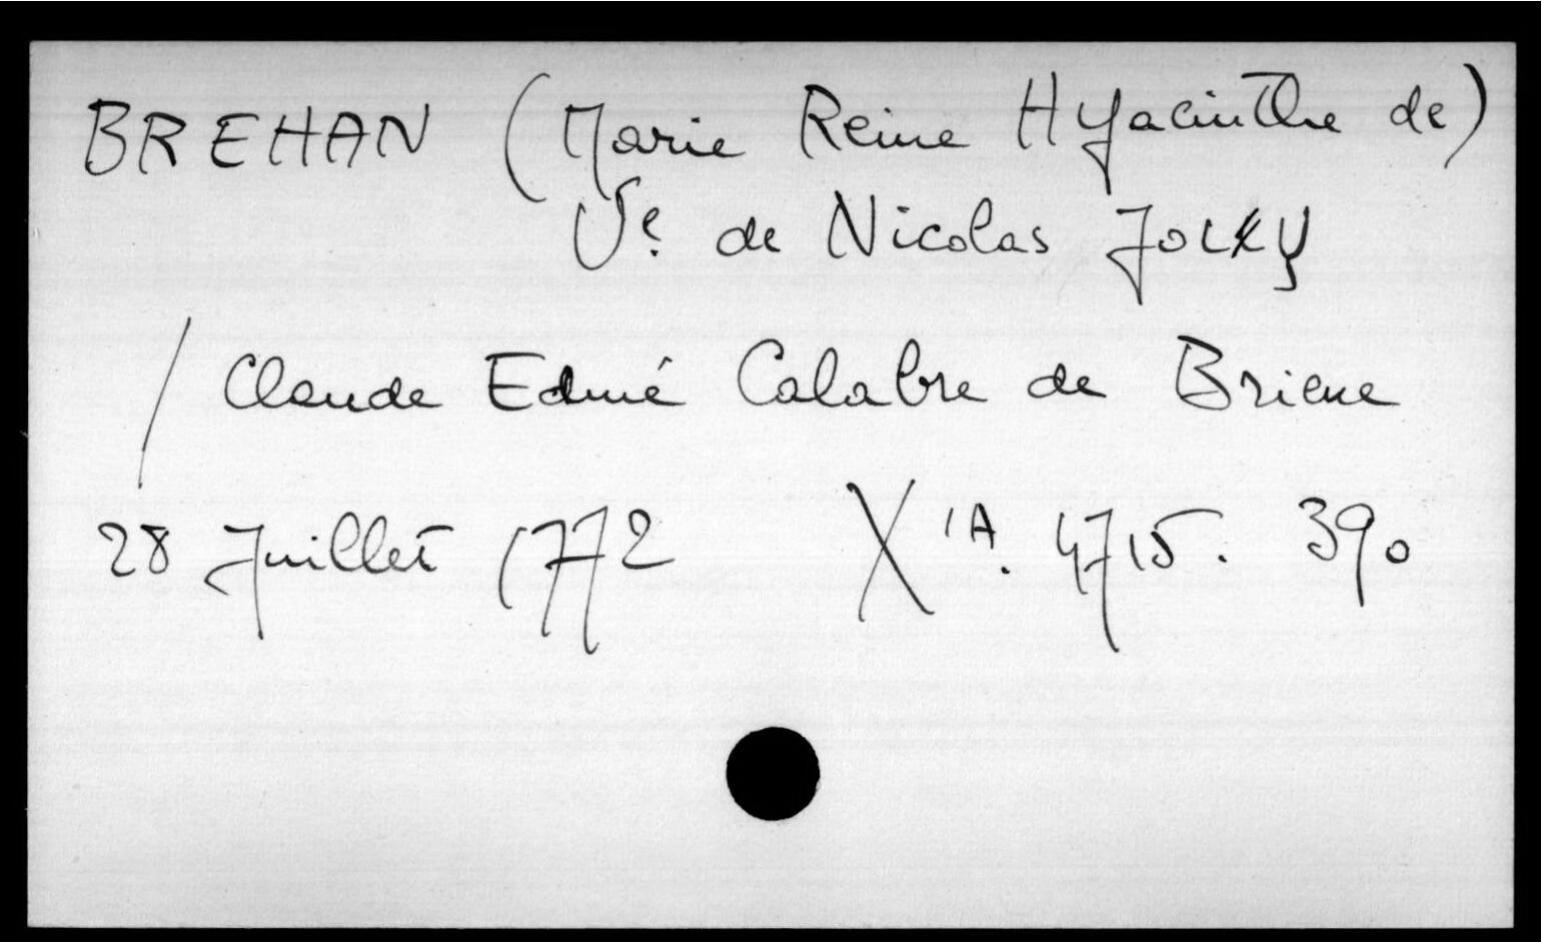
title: BREHAN (Marie Reine Hyacinthe de) veuve de Nicolas Joly
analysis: Contre Claude Edmé Calabre de Brieue
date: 28 juillet 1772
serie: X1A
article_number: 4715
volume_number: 390
